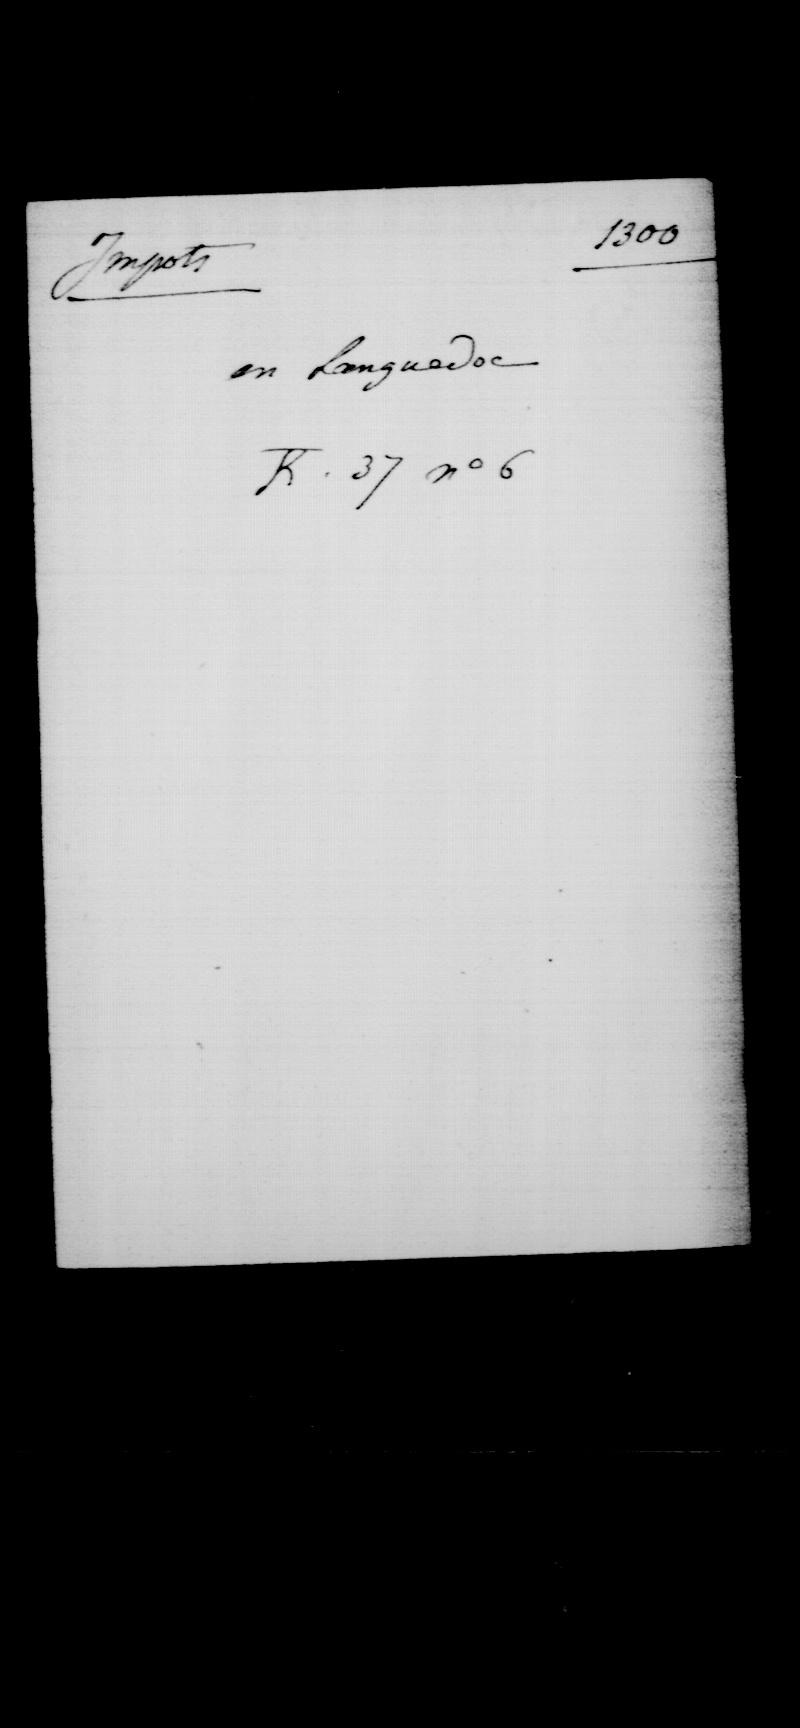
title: Impots
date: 1300
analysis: en Languedoc
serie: K
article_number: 37
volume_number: n° 6
